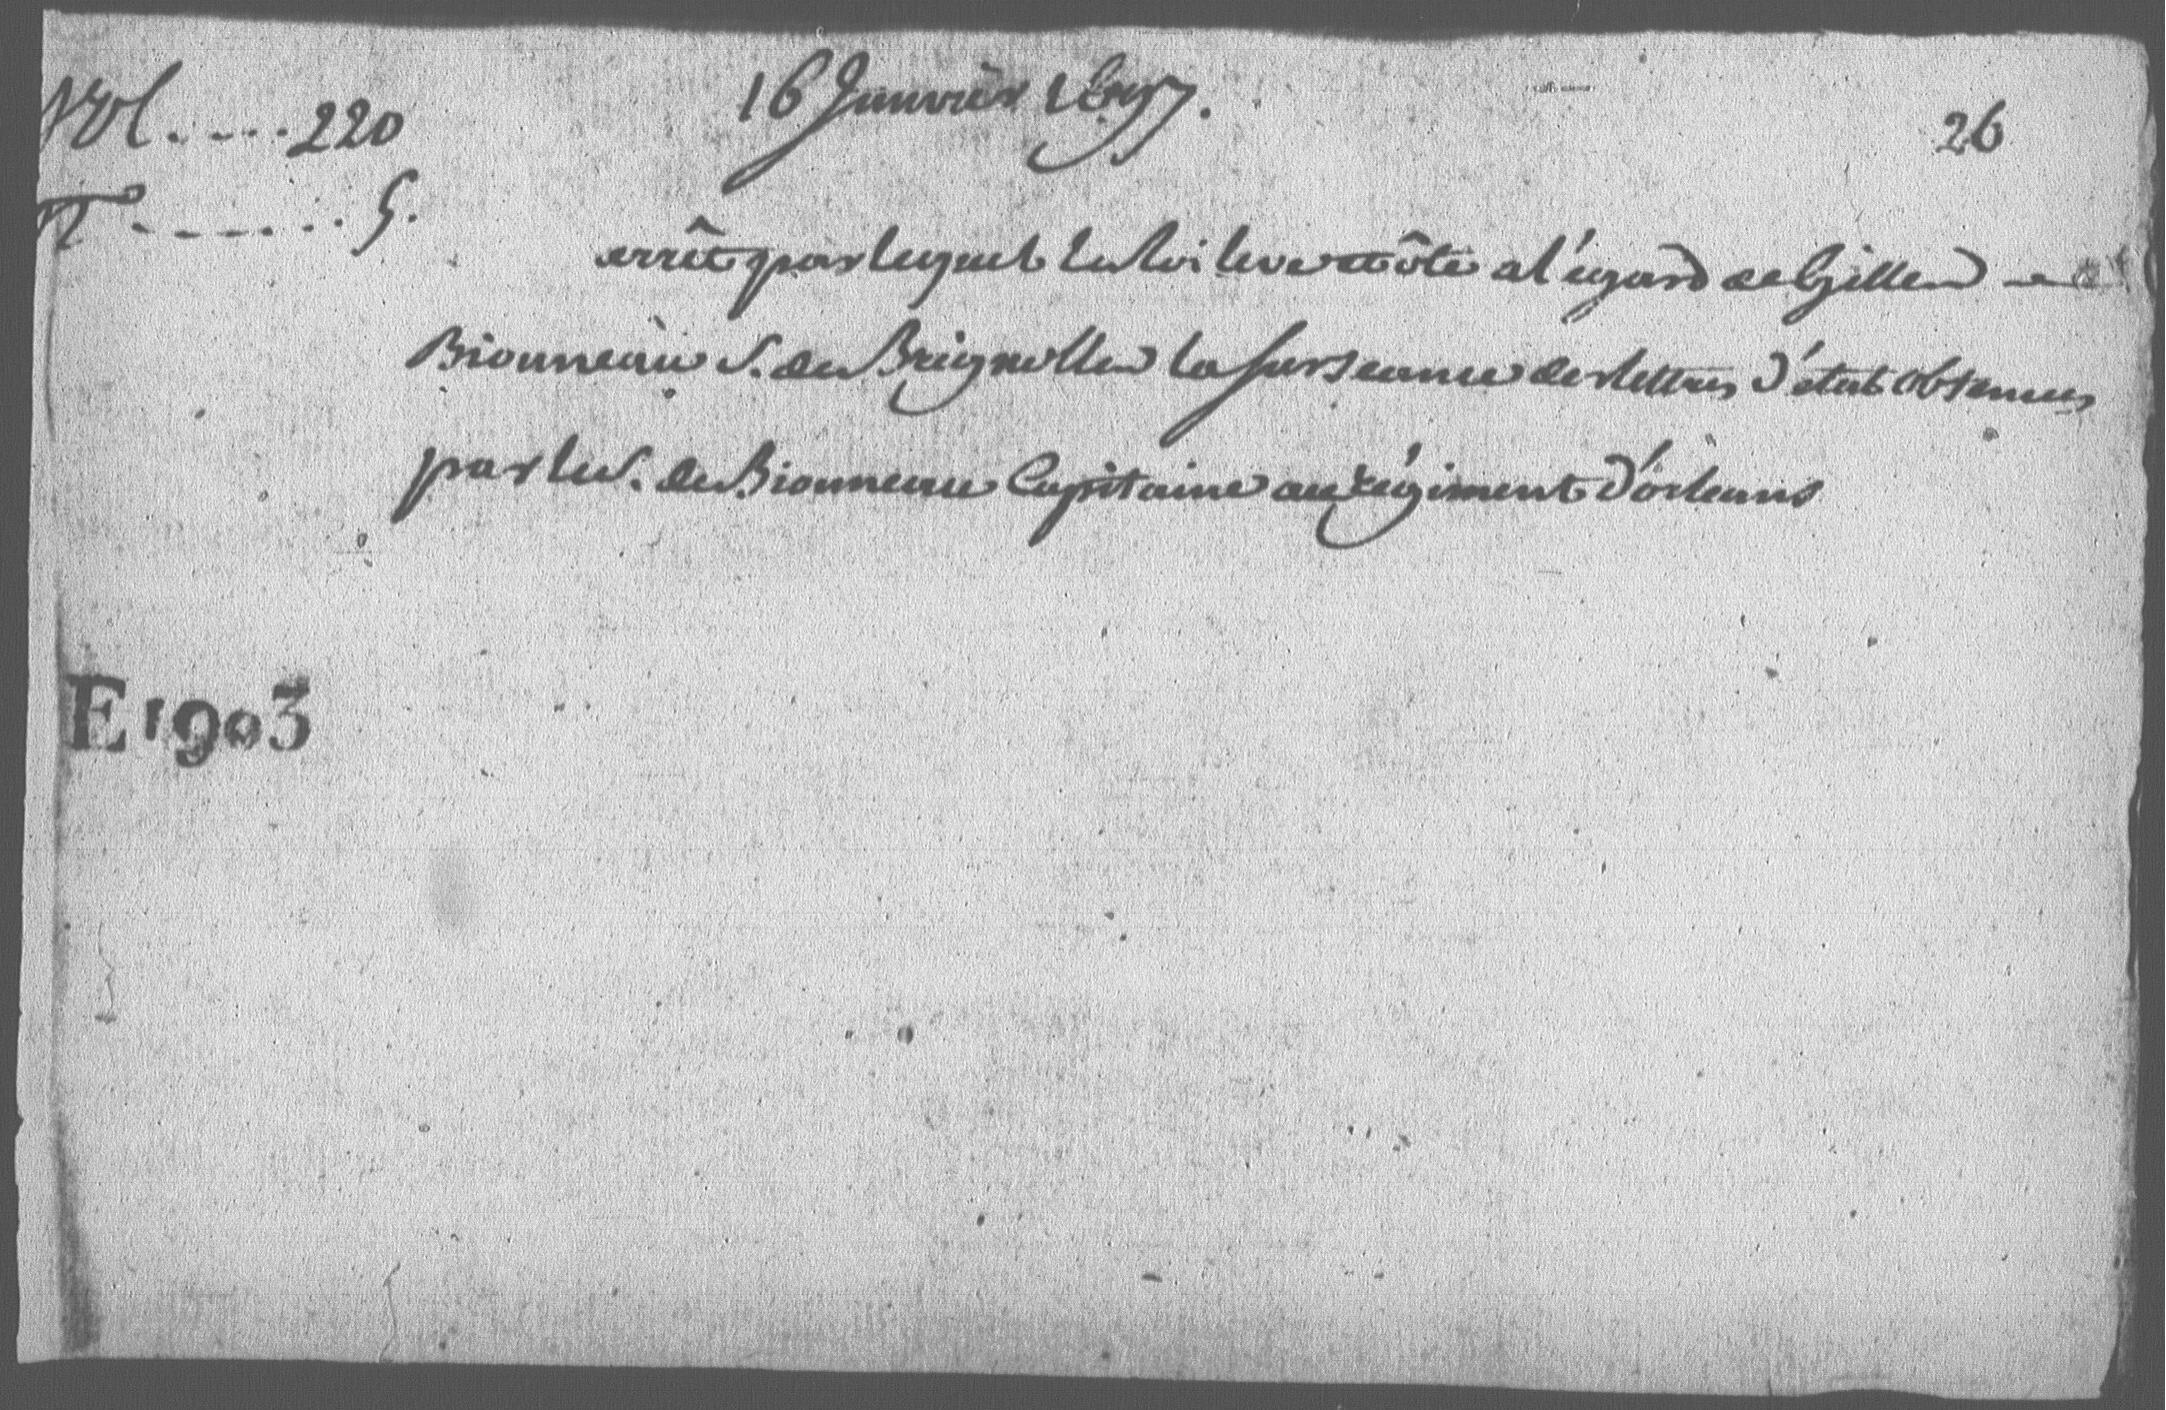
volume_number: n°5
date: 16 janvier 1637
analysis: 26
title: arrêt par lequel le Roi leve et ôte a l'égard de Gilles et Bionneau S. de Brignolles la surseance des lettres d'état obtenues par le S. de Bionneau Ccpitaine au régiment d'orleans
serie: E
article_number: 1903
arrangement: vol. 220 n°5
